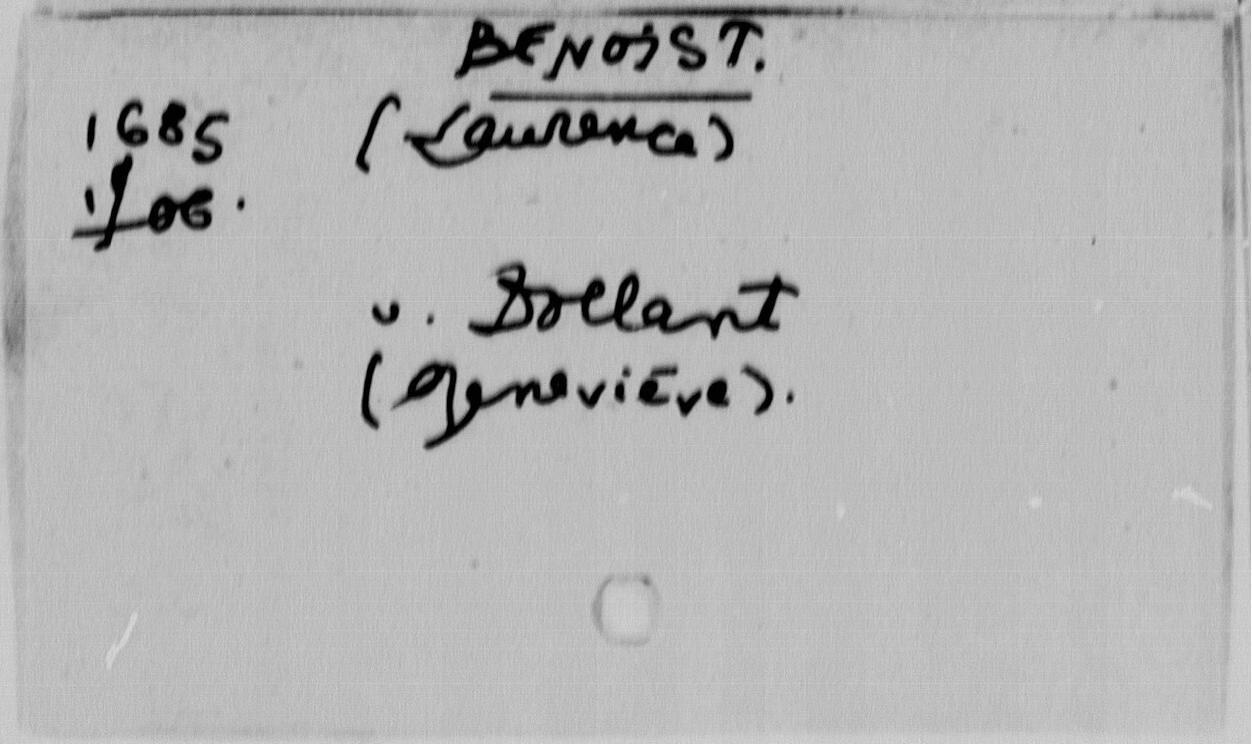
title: BENOIST (Laurence)
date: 1685-1706
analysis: Voir : DOLLANT (Geneviève)
